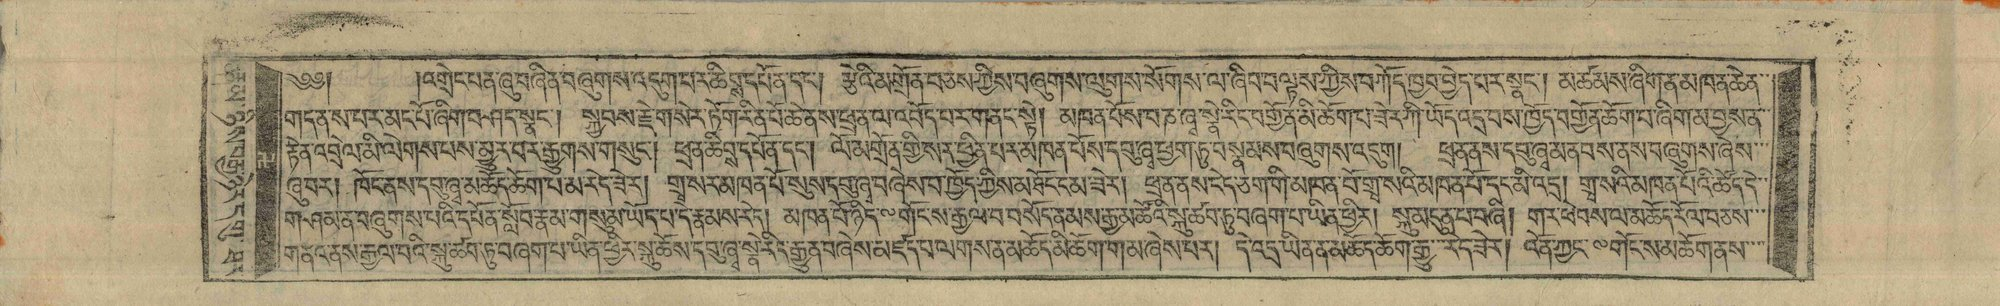༄༅། །འགྲེང་བན་ཞུ་བཞིན་བཞུགས་འདུག་པར་ཆིབས་དཔོན་དང་། རྩེའི་མགྲོན་བཅས་ཀྱི་བཞུགས་ལུགས་སོགས་ལ་ཞིབ་བལྟས་ཀྱིས་བཀོད་ཁྱབ་བྱེད་པར་སྣང་། མཚམས་ཞིག་ན་མཁན་ཆེན་
གདན་ས་པར་མང་པོ་ཞིག་བཤད་སྣང་། སྐྱབས་རྗེ་གསེར་ཏོག་རིན་པོ་ཆེ་ནས་ཕྲན་ལ་འབོད་པར་གནང་སྟེ། མཁན་པོས་པཎ་ཞྭ་སྣེ་རིང་བགྱོན་མི་ཆོག་པ་ཟེར་ཀི་ཡོད་འདྲ་བས་ཁྱོད་བགྱོན་ཆོག་པ་ཞིག་མ་བྱས་ན་
རྟེན་འབྲེལ་མི་ལེགས་པས་མྱུར་བར་རྒྱུགས་གསུང་། ཕྲན་ཆིབས་དཔོན་དང་། ལོ་མགྲོན་གྱི་སར་ཕྱིན་པར་མཁན་པོས་དབུ་ཞྭ་ཕྱག་ཏུ་བསྣམས་བཞུགས་འདུག །ཕྲན་ནས་དབུ་ཞྭ་མ་ནབས་ནས་བཞུགས་ཞེས་
ཞུ་བར། ཁོང་ནས་དབུ་ཞྭ་མཆོད་ཆོག་པ་མ་རེད་ཟེར། གྲྭ་སར་མཁན་པོ་སུས་དབུ་ཞྭ་བཞེས་པ་ཁྱོད་ཀྱིས་མཐོང་ངམ་ཟེར། ཕྲན་ནས་ངེད་ཅག་གི་མཁན་པོ་གྲྭ་སའི་མཁན་པོ་དང་མི་འདྲ། གྲྭ་སའི་མཁན་པོའི་ཚོད་དེ་
གཤམ་ན་བཞུགས་པའི་དཔོན་སློབ་རྣམ་གསུམ་ཡོད་པ་དེ་རྣམས་རེད། མཁན་པོ་ཉིད་༧གོང་ས་རྒྱལ་བ་བསོད་ནམས་རྒྱ་མཚོའི་སྐུ་ཚབ་ཏུ་བཞག་པ་ཡིན་ཕྱིར། སྐུ་མདུན་པ་བཞི། གར་ཕེབས་ལ་མཆོད་རོལ་བཅས་
གནའ་ནས་རྒྱལ་བའི་སྐུ་ཚབ་ཏུ་བཞག་པ་ཡིན་ཕྱིར་སྐུ་ཆོས་དབུ་ཞྭ་སྣེ་རིང་རྒྱུན་བཞེས་མཛད་པ་ལགས་ན་མཆོད་མི་ཆོག་གམ་ཞེས་པར། དེ་འདྲ་ཡིན་ན་མཆོད་ཆོག་རྒྱུ་རེད་ཟེར། འོན་ཀྱང་༧གོང་ས་མཆོག་ནས་